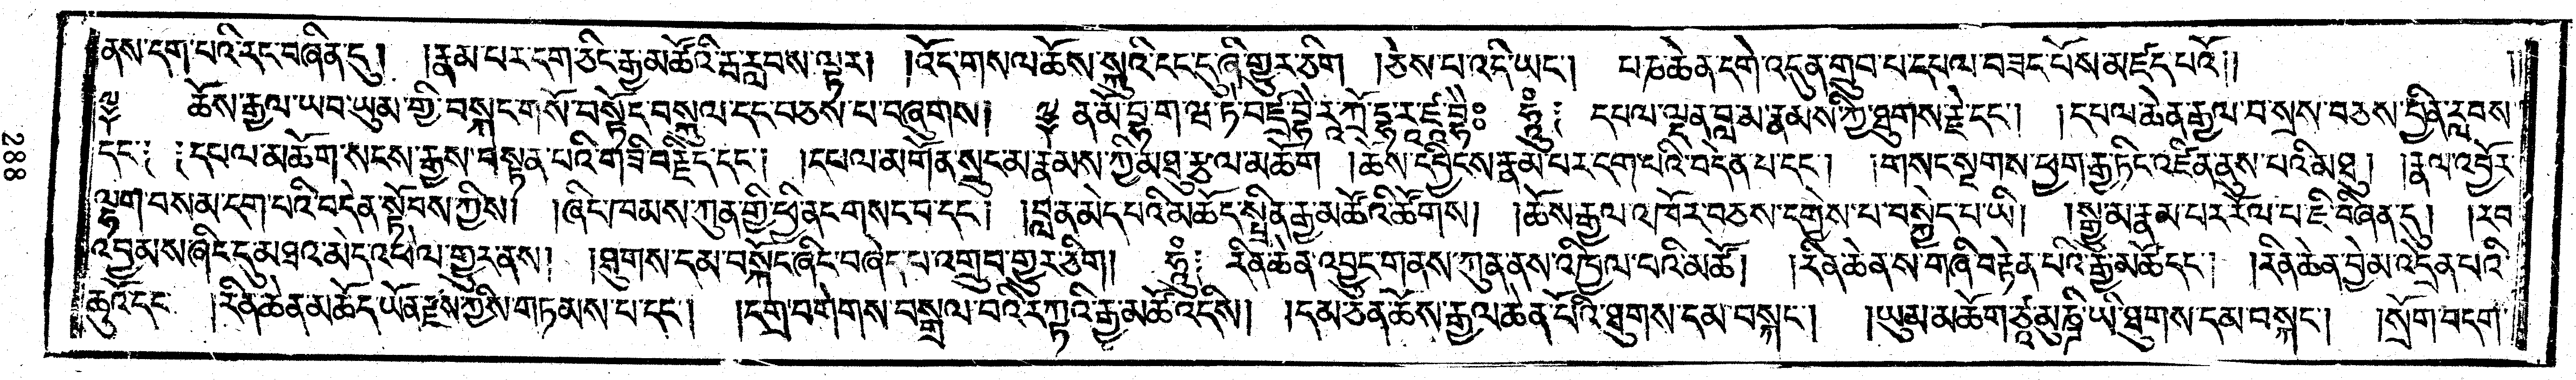ནས་དག་པའི་རང་བཞིན་དུ། །རྣམ་པར་དག་ཅིང་རྒྱ་མཚོའི་རྦ་རླབས་ལྟར། །འོད་གསལ་ཆོས་སྐུའི་ངང་དུ་ཞི་གྱུར་ཅིག །ཅེས་པ་འདི་ཡང་། པཎ་ཆེན་དགེ་འདུན་གྲུབ་པ་དཔལ་བཟང་པོས་མཛད་པའོ།། །།
༈ ཆོས་རྒྱལ་ཡབ་ཡུམ་གྱི་བསྐང་གསོ་བསྟོད་བསྐུལ་དང་བཅས་པ་བཞུགས། ༈ ན་མོ་བྷ་ག་ཝ་ཏེ་བཛྲ་བྷཻ་རཱ་ཀྲོ་དྷ་རཱ་ཛཱ་བྷཻཿ ཧཱུཾ༑ དཔལ་ལྡན་བླ་མ་རྣམས་ཀྱི་ཐུགས་རྗེ་དང་། །དཔལ་ཆེན་རྒྱལ་བ་སྲས་བཅས་བྱིན་རླབས་
དང༑ ༑དཔལ་མཆོག་སངས་རྒྱས་བསྟན་པའི་གཟི་བརྗིད་དང་། །དཔལ་མགོན་སྲུང་མ་རྣམས་ཀྱི་མཐུ་རྩལ་མཆོག །ཆོས་དབྱིངས་རྣམ་པར་དག་པའི་བདེན་པ་དང་། །གསང་སྔགས་ཕྱག་རྒྱ་ཏིང་འཛིན་ནུས་པའི་མཐུ། །རྣལ་འབྱོར་
ལྷག་བསམ་དག་པའི་བདེན་སྟོབས་ཀྱིས། །ཞིང་ཁམས་ཀུན་གྱི་ཕྱི་ནང་གསང་བ་དང་། །བླ་ན་མེད་པའི་མཆོད་སྤྲིན་རྒྱ་མཚོའི་ཚོགས། །ཆོས་རྒྱལ་འཁོར་བཅས་དགྱེས་པ་བསྐྱེད་པ་ཡི། །སྒྱུ་མ་རྣམ་པར་རོལ་པ་ཇི་བཞིན་དུ། །རབ་
འབྱམས་ཞིང་དུ་མཐའ་མེད་འཕེལ་གྱུར་ནས། །ཐུགས་དམ་བསྐོང་ཞིང་བཞེད་པ་འགྲུབ་གྱུར་ཅིག། ཧཱུཾ༑ རིན་ཆེན་འབྱུང་གནས་ཀུན་ནས་འཁྱིལ་བའི་མཚོ། །རིན་ཆེན་ས་གཞི་བརྟེན་པའི་རྒྱ་མཚོ་དང་། །རིན་ཆེན་བྱེ་མ་འདྲེན་པའི་
ཆུའོ་དང་།རིན་ཆེན་མཆོད་ཡོན་རྫས་ཀྱིས་གཏམས་པ་དང་། །དགྲ་བགེགས་བསྒྲལ་བའི་རཀྟའི་རྒྱ་མཚོ་འདིས། །དམ་ཅན་ཆོས་རྒྱལ་ཆེན་པོའི་ཐུགས་དམ་བསྐང་། །ཡུམ་མཆོག་ཙཱ་མུཎྜི་ཡི་ཐུགས་དམ་བསྐང་། །སྲོག་བདག་